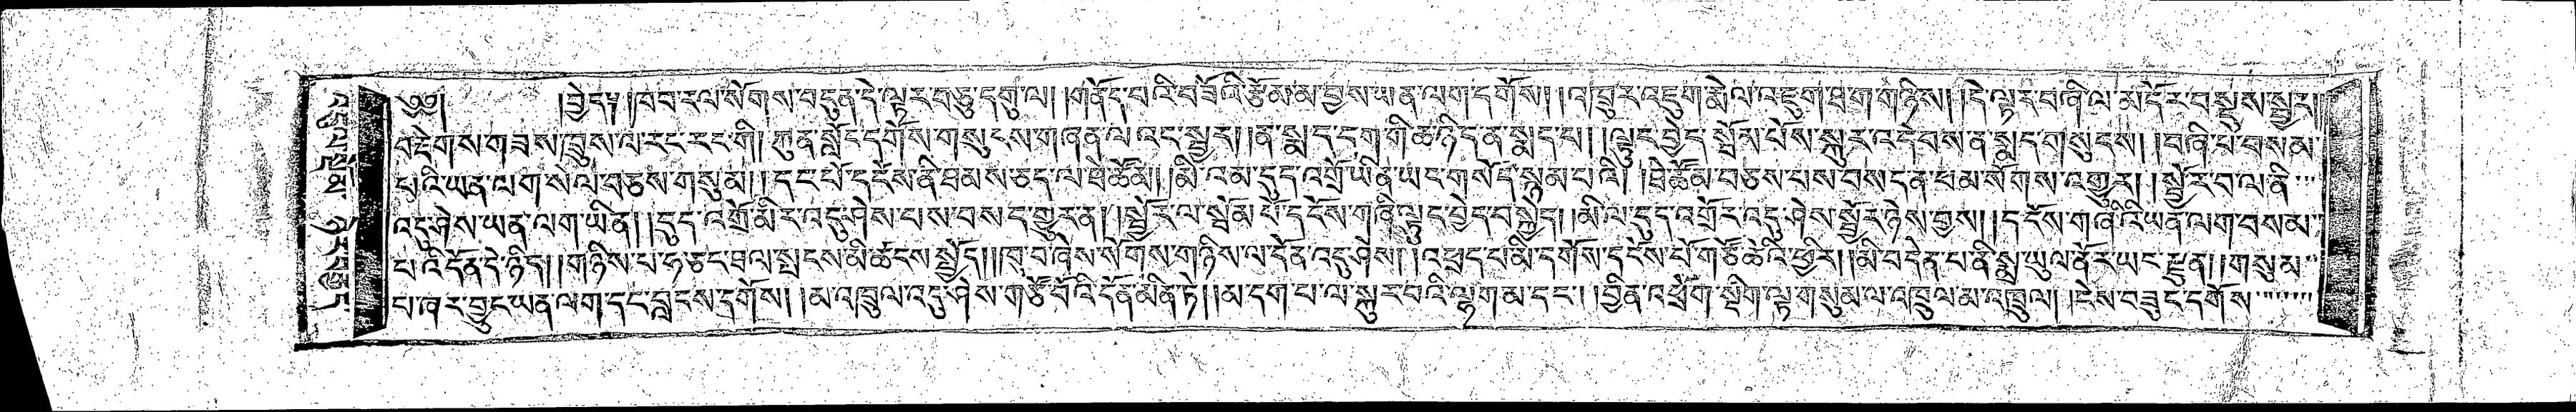༄༅། །བྱེད༑ །ཁབ་རལ་སོགས་བདུན་དེ་ལྟར་བཅུ་དགུ་ལ། །གནོད་པའི་བཟོའི་རྩོམ་མ་བྱས་ཡན་ལག་དགོས། །འཁྲུར་འཇུག་རྨེལ་འཇུག་ཐ་ག་གཉིས། །དེ་ལྟར་བཞི་ལ་མདོར་བསྡུས་སྦྱར། །
བརྡེགས་གཟས་ཁྲུས་ལ་རང་རང་གི །ཀུན་སློང་དགོས་གསུངས་གཞན་ལའང་སྦྱར། །ན་སྨད་དག་གི་ཆ་ཉིད་ན་སྨད་པ། །ལྟུང་བྱེད་སྦོམ་པོས་སྐུར་འདེབས་ན་སྨད་གསུངས། །བཞི་པ་བསམ་
པའི་ཡན་ལག་སེལ་བཅས་གསུམ། །དང་པོ་དངོས་ནི་ཐམས་ཅད་ལ་ཐེ་ཚོམ། །མི་འམ་དུད་འགྲོ་ཡིན་ཡང་གསོད་སྙམ་པའི། །ཐེ་ཚོམ་བཅས་པས་བསད་ན་ཕམ་སོགས་འགྱུར། །སྦྱོར་བ་ལ་ནི་
འདུ་ཤེས་ཡན་ལག་ཡིན། །དུད་འགྲོ་མིར་འདུ་ཤེས་པས་བསད་གྱུར་ན། །སྦྱོར་ལ་སྦོམ་པོ་དངོས་གཞི་ལྟུང་བྱེད་བསྐྱེད། །མི་ལ་དུད་འགྲོར་འདུ་ཤེས་སྦྱོར་ཉེས་བྱས། །དངོས་གཞིའི་ཡན་ལག་བསམ་
པའི་དོན་དེ་ཉིད། །གཉིས་པ་ཧ་ཅང་ཐལ་སྤངས་མི་ཚངས་སྤྱོད། །ཁུ་བ་ཞེས་སོགས་གཉིས་ལ་དོན་འདུ་ཤེས། །འཕྲད་པ་མི་དགོས་དངོས་པོ་གཙོ་ཆེའི་ཕྱིར། །མི་བདེན་པ་ནི་སྨྲ་ཡུལ་ནོར་ཡང་རྫུན། །གསུམ་
པ་ཞར་བྱུང་ཡན་ལག་དང་བླངས་དགོས། །མ་འཁྲུལ་འདུ་ཤེས་གཙོ་བོའི་དོན་མིན་ཏེ། །མ་དག་པ་ལ་སྐུར་བའི་ལྷག་མ་དང་། །བྱིན་འཕྲོག་སྡིག་ལྟ་གསུམ་ལ་འཁྲུལ་མ་འཁྲུལ། །ངེས་བཟུང་དགོས་